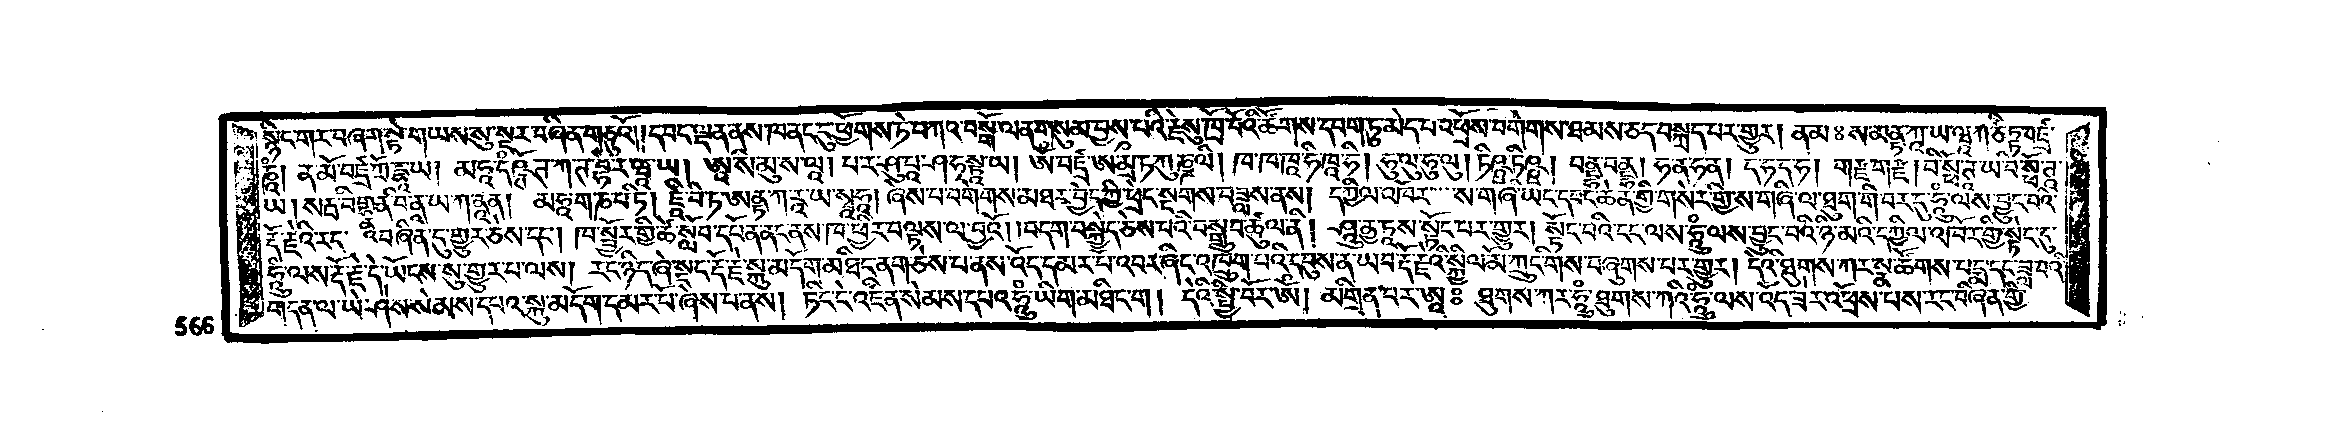སྙིང་གར་བཞག་སྟེ་གཡས་སུ་སྔར་བཞིན་གཅུའོ། །དབང་ལྡན་ནས་ཁ་ནང་དུ་ཕྱོགས་ཏེ་བཀའ་བསྒོ་ལན་གསུམ་བྱས་པའི་རྗེས་སུ་ཁྲོ་བོའི་ཚོགས་དཔག་ཏུ་མེད་པ་འཕྲོས་བགེགས་ཐམས་ཅད་བསྐྲད་པར་གྱུར། ན་མཿ ས་མནྟ་ཀཱ་ཡ་ཝཱ་ཀ་ཅིཏྟ་བཛྲ་
ཎཱཾ། ན་མོ་བཛྲ་ཀྲོ་དྷཱ་ཡ། མཧཱ་དཾ་ཥྚོ་ཊ་ཀ་ཊ་བྷཻ་ར་ཝཱ་ཡ། ཨཱ་སི་མུ་ས་ལཱ། པ་ར་ཤུ་པཱ་ཤ་ཧསྟཱ་ཡ། ཨོཾ་བཛྲ་ཨ་མྲྀ་ཏ་ཀུཎྜ་ལི། ཁ་ཁ་ཁཱ་ཧི་ཁཱ་ཧི། ཧུ་ལུ་ཧུ་ལུ། ཏིཥཊཿཨ་ཏིཥཊཿཨ། བནྡྷ་བནྡྷ། ཧ་ན་ཧ་ན། ད་ཧ་ད་ཧ། གརྫ་གརྫ། བི་སྥོ་ཊཱ་ཡ་བི་སྥོ?་ཊཱ་
ཡ། སརྦ་བིགྷྣཱན་བི་ནཱ་ཡ་ཀ་ནཱན། མཧཱ་ག་ཎ་པ་ཏི། ཛཱི་བི་ཏ་ཨནྟ་ཀ་རཱ་ཡ་སྭཱ་ཧཱ། ཞེས་པ་བགེགས་མཐར་བྱེད་ཀྱི་ཕྲེང་སྔགས་བཟླས་ནས། དཀྱིལ་འཁོར་ས་གཞི་ཡང་དབང་ཆེན་གྱི་གསེར་གྱི་ས་གཞི་ལ་ཐུག་གི་བར་དུ་ཧཱུཾ་ལས་བྱུང་བའི་
རྡོ་རྗེའི་རང་བཞིན་དུ་གྱུར་ཅེས་དང་། ཁ་སྦྱོར་གྱི་ཚེ་སློབ་དཔོན་ནང་ནས་ཁ་ཕྱིར་བལྟས་ལ་བྱའོ། །བདག་བསྐྱེད་ཅེས་པའི་བསྒྲུབ་ཚུལ་ནི། ཤཱུ་ནྱ་ཏཱས་སྟོང་པར་གྱུར། སྟོང་པའི་ངང་ལས་ཧཱུཾ་ལས་བྱུང་བའི་ཉི་མའི་དཀྱིལ་འཁོར་གྱི་སྟེང་དུ་
ཧཱུཾ་ལས་རྡོ་རྗེ་དེ་ཡོངས་སུ་གྱུར་པ་ལས། རང་ཉིད་ཞེ་སྡང་རྡོ་རྗེ་སྐུ་མདོག་མཐིང་ནག་ཅེས་པ་ནས་འོད་དམར་པོ་འབར་ཞིང་འཁྲུག་པའི་དབུས་ན་ཡབ་རྡོ་རྗེའི་སྐྱིལ་མོ་ཀྲུང་གིས་བཞུགས་པར་གྱུར། དེའི་ཐུགས་ཀར་སྣ་ཚོགས་པདམ་དང་ཟླ་བའི་
གདན་ལ་ཡེ་ཤེས་སེམས་དཔའ་སྐུ་མདོག་དམར་པོ་ཞེས་པ་ནས། ཏིང་ངེ་འཛིན་སེམས་དཔའ་ཧཱུཾ་ཡིག་མཐིང་ག །དེའི་སྤྱི་བོར་ཨོཾ། མགྲིན་པར་ཨཱཿ ཐུགས་ཀར་ཧཱུཾ་ཐུགས་ཀའི་ཧཱུཾ་ལས་འོད་ཟེར་འཕྲོས་པས་རང་བཞིན་གྱི་